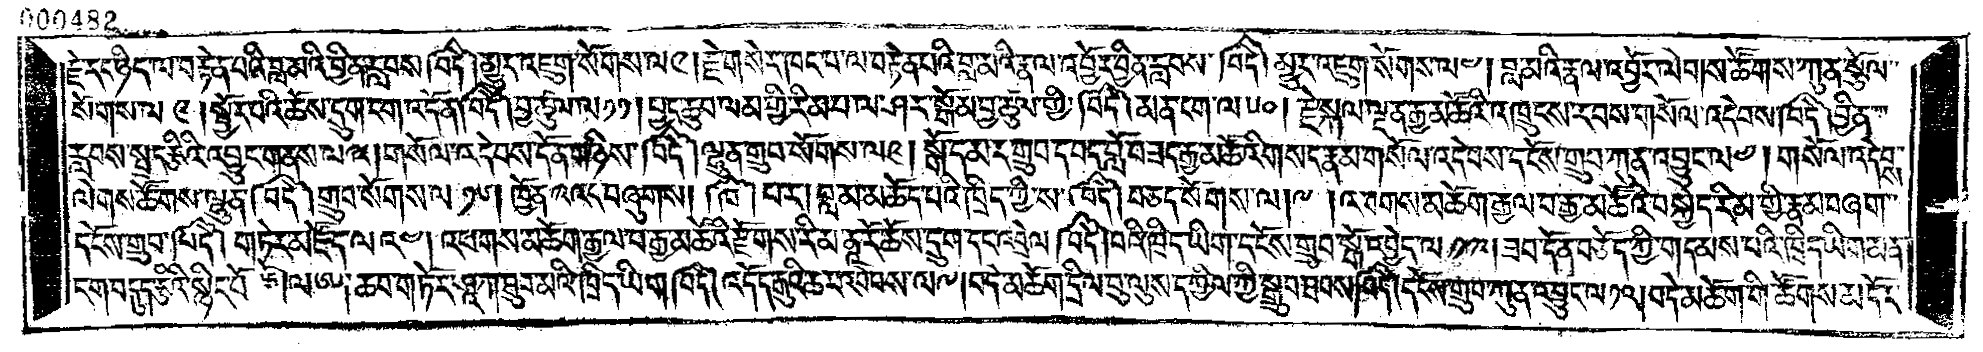རྗེ་རང་ཉིད་ལ་བརྟེན་པའི་བླ་མའི་བྱིན་རླབས ༼བདེ༽ མྱུར་འཇུག་སོགས་ལ༩། རྗེ་གསེར་ཁང་པ་ལ་བརྟན་པའི་བླ་མའི་རྣལ་འབྱོར་བྱིན་རླབས། ༼བདེ༽ མྱུར་འཇུག་སོགས་ལ༤། བླ་མའི་རྣལ་འབྱོར་ལེགས་ཚོགས་ཀུན་སྩོལ་
སོགས་ལ ༩། སྦྱོར་བའི་ཆོས་དྲུག་ངག་འདོན ༼བདེ༽ བྱ་ཚུལ་ལ ༡༡། བྱང་ཆུབ་ལམ་གྱི་རིམ་པ་ལ་ཤར་སྒོམ་བྱ་ཚུལ་གྱི ༼བདེ༽ མན་ངག་ལ ༥༠། རྗེ་སྐལ་ལན་རྒྱ་མཚོའི་འཁྲུངས་རབས་གསོལ་འདེབས ༼བདེ༽ བྱིན་
རླབས་སྤྲད་རྩིའི་འབྱུང་གནས་ལ༣། གསོལ་འདེབས་དོན་གཉིས ༼བདེ༽ ལྷུན་གྲུབ་སོགས་ལ༩། སྒོ་དམར་གྲུབ་དབང་བློ་བཟང་རྒྱ་མཚོའི་གསང་རྣམ་གསོལ་འདེབས་དངོས་གྲུབ་ཀུན་འབྱུང་ལ ༤། གསོལ་འདེབས་
ལེགས་ཚོགས་ལྷུན ༼བདེ༽ གྲུབ་སོགས་ལ ༡༦། ཁྱོན ༣འང་བཞུས། ༼ཁ༽ པར། བླ་མ་མཆོད་པའི་ཁྲིད་ཀྱི་ས ༼བདེ༽ བཅད་སོགས་ལ། ༧། འཕགས་མཆོག་རྒྱལ་བ་རྒྱ་མཚོའི་བསྐྱེད་རིམ་གྱི་རྣམ་བཞག་
དངོས་གྲུབ། ༼བདེ༽ གཏེར་མཛོད་ལ ༢༤། འཕགས་མཆོག་རྒྱལ་བ་རྒྱ་མཚོའི་རྫོགས་རིམ་ནཱ་རོ་ཆོས་དྲུག་དང་འབྲེལ ༼བདེ༽ བའི་ཁྲིད་ཡིག་དངོས་གྲུབ་སྒོ་འབྱེད་ལ ༡༣། ཟབ་དོན་བཅོད་ཀྱི་གདམས་པའི་ཁྲིད་ཡིག་མན་
ངག་བདུད་རྩིའི་སྙིང་པོ་ལ ༦། ཆབ་གཏོར་ཤཱཀ་ཐུབ་མའི་ཁྲིད་ཡིག ༼བདེ༽ འདོད་རྒུའི་ཆར་འབེབས་ལ༧། བདེ་མཆོག་དྲིལ་བུ་ལུས་དཀྱིལ་ཀྱི་སྒྲུབ་ཐབས ༼བདེ༽ དངོས་གྲུབ་ཀུན་འབྱུང་ལ ༡༢། བདེ་མཆོག་གི་ཚོགས་མདོར་